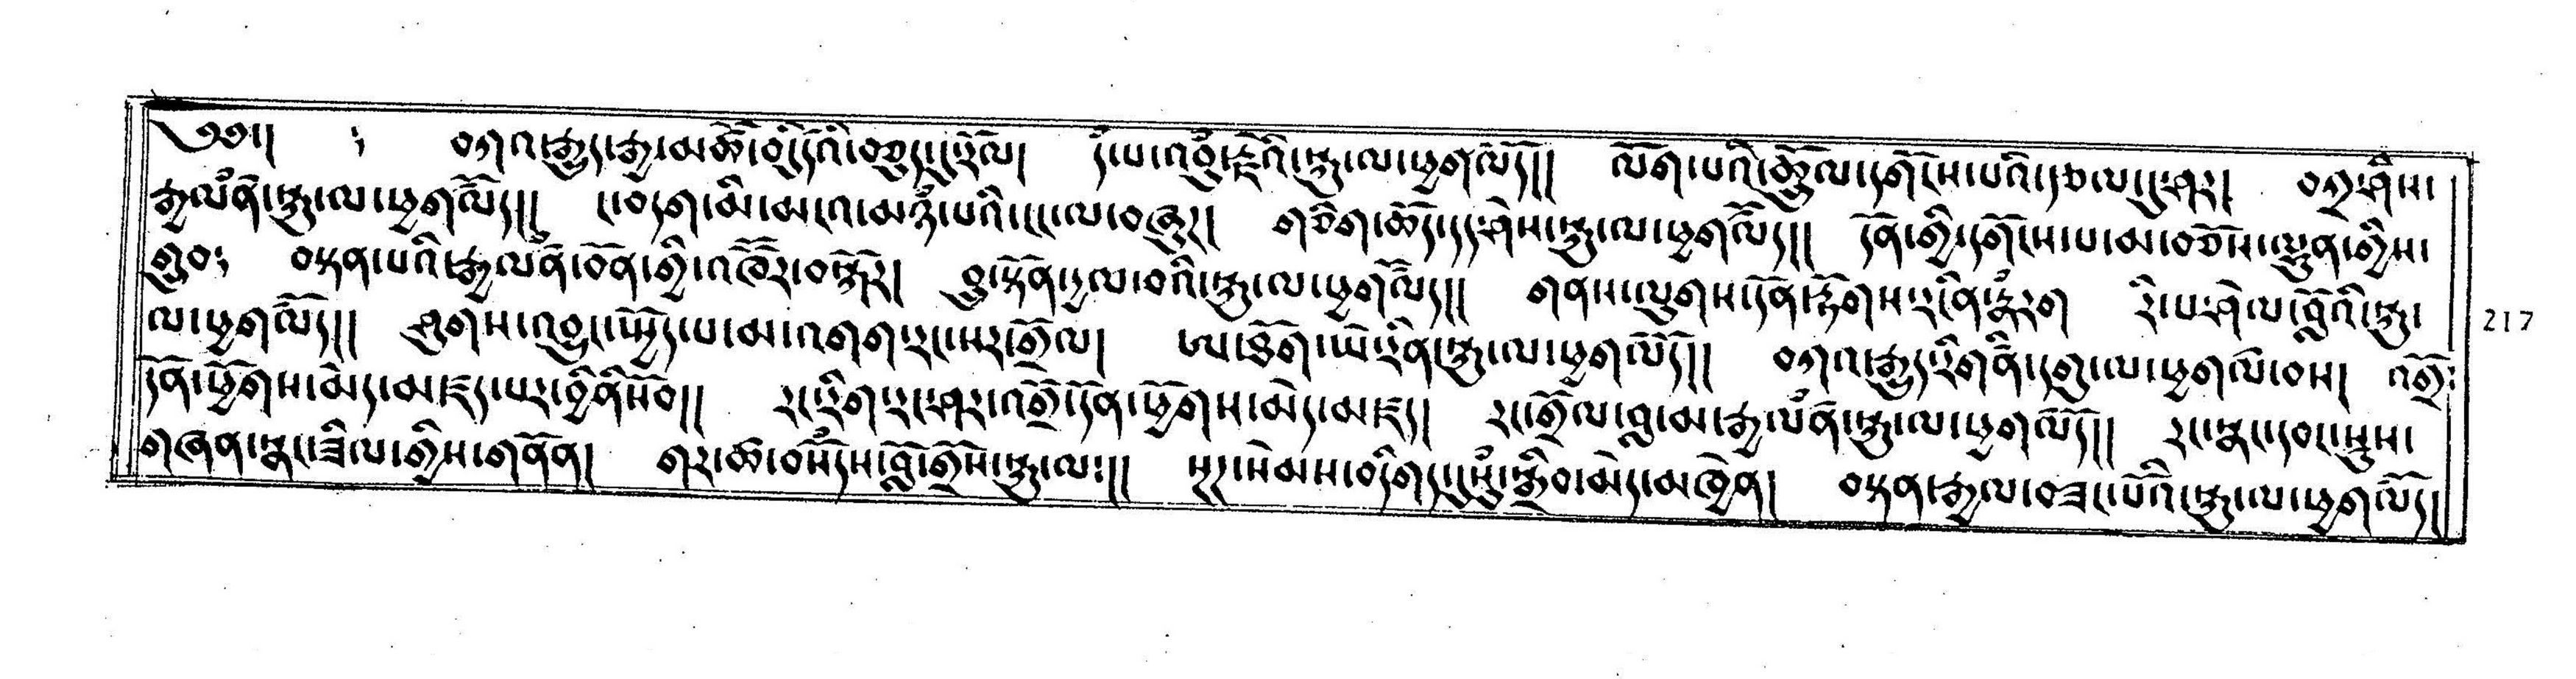བཀའ་རྒྱུད་རྒྱ་མཚོ་བདུད་རྩིའི་བཅུད་དུ་རོལ། དམ་པ་འབུམ་རྗེའི་སྐུ་ལ་ཕྱག་འཚལ་བསྟོད།། ལོག་པའི་ཆོ་འཕྲུལ་དགོངས་པའི་རྩལ་དུ་ཤར། བཀྲ་ཤིས་
རྒྱལ་མཚན་སྐུ་ལ་ཕྱག་འཚལ་བསྟོད།། ང་བདག་མི་མངའ་མཉམ་པའི་ངང་ལ་བཞུགས། གཅིག་ཆོད་དད་ཤེས་སྐུ་ལ་ཕྱག་འཚལ་བསྟོད། དོན་གྱི་དགོངས་པ་མ་བཅོས་ལྷུན་གྱིས་
གྲུབ། བསྟན་པའི་རྒྱལ་མཚན་བོན་གྱི་འཁོར་ལོ་བསྐོར། བྲུ་སྟོན་རྒྱལ་བའི་སྐུ་ལ་ཕྱག་འཚལ་བསྟོད། གནས་ལུགས་དོན་རྟོགས་རང་བཞིན་རྣམ་པར་དག རི་པ་ཤེལ་བློའི་སྐུ་
ལ་ཕྱག་འཚལ་བསྟོད།། ཤུགས་འབྱུང་སྤྱོད་པ་མ་འགག་རང་སར་གྲོལ། ཨ་ཐོག་ཡེ་རིན་སྐུ་ལ་ཕྱག་འཚལ་བསྟོད།། བཀའ་རྒྱུད་རིག་འཛིན་དགུ་ལ་ཕྱག་འཚལ་བས། འགྲོ་
དོན་ཕྱོགས་མེད་མཛད་པར་བྱིན་གྱིས་རློབས།། རང་རིག་རང་ཤར་འགྲོ་དོན་ཕྱོགས་མེད་མཛད། རང་གྲོལ་བླ་མ་རྒྱལ་མཚན་སྐུ་ལ་ཕྱག་འཚལ་བསྟོད།། རང་སྣང་དབང་སྡུས་
གཞན་སྣང་ཟིལ་གྱིས་གནོན། གར་ཚ་བསོད་ནམས་བློ་གྲོས་སྐུ་ལ༴།། སྔགས་སེམས་བདག་ཉིད་དུས་གསུམ་སྒྲིབ་མེད་མཁྱེན། བསྟན་རྒྱལ་བཟང་པོའི་སྐུ་ལ་ཕྱག་འཚལ་བསྟོད།